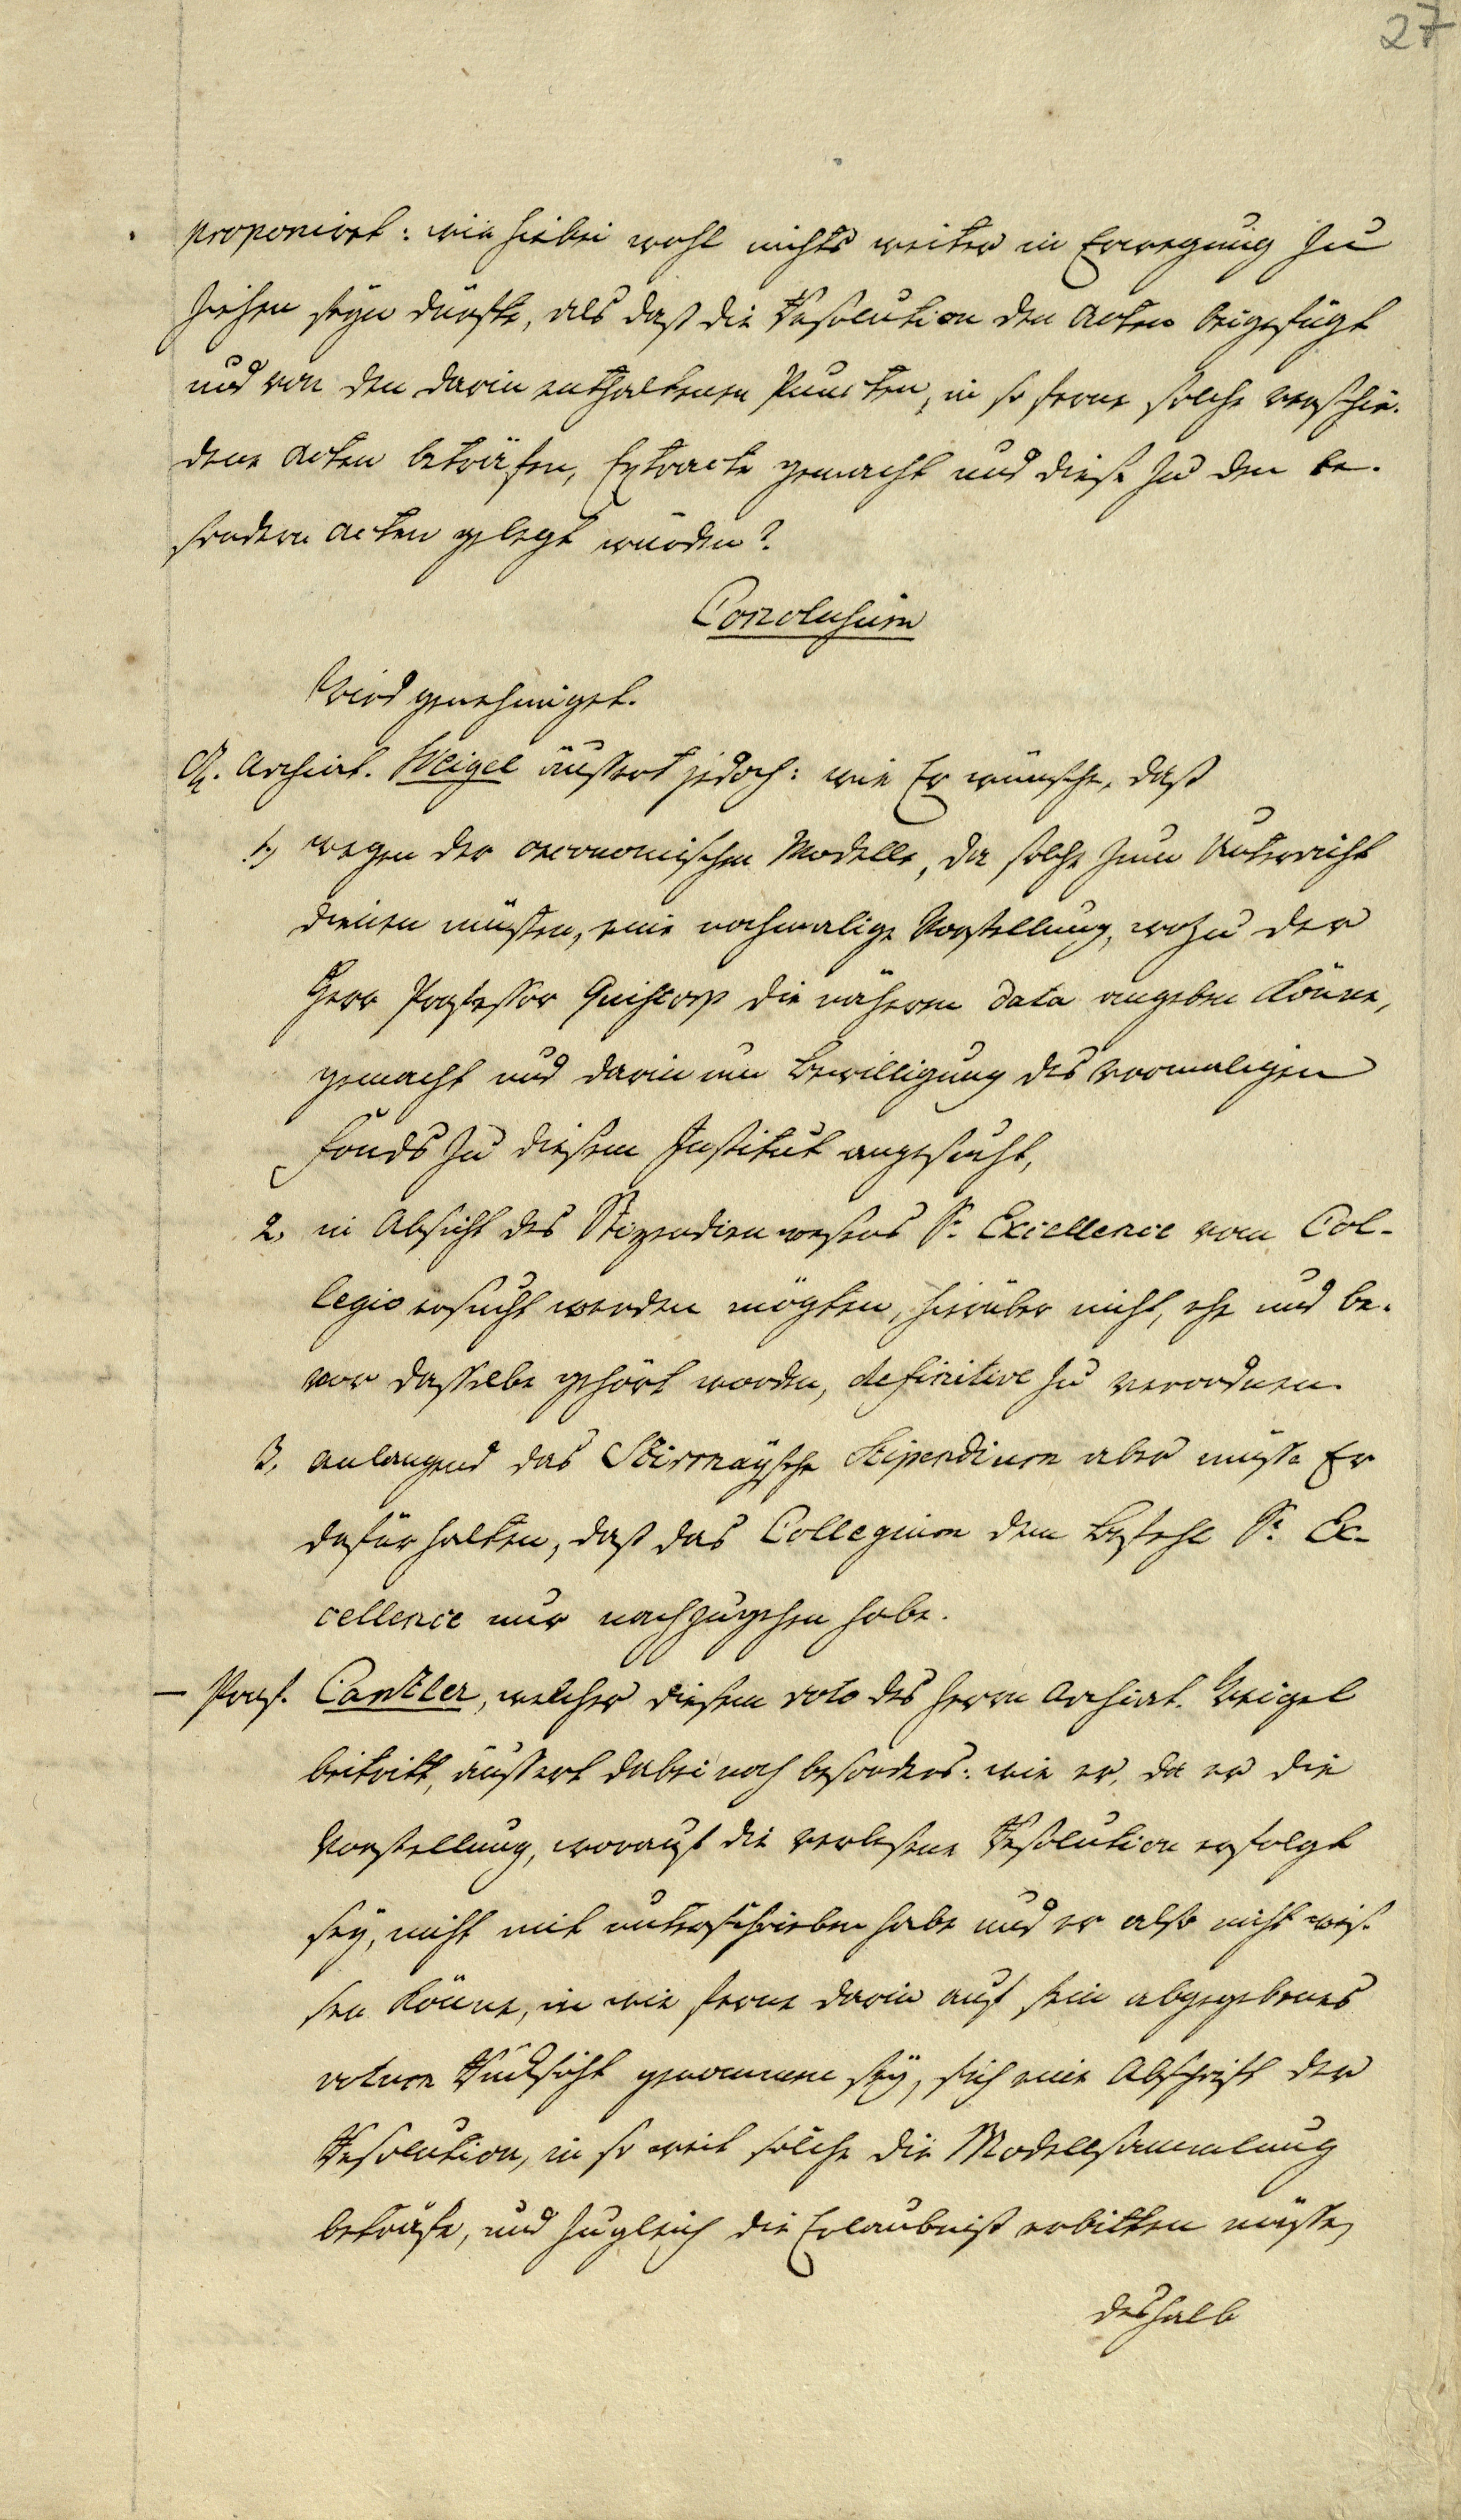proponiret: wie hiebei wohl nichts weiter in Erwegung zu
ziehen seÿn dürfte, als daß die Resolution den Acten beigefügt
und von den darin enthaltenen Puncten, in so ferne solche verschie¬
dene Acten beträfen, Extracte gemacht und diese zu den be¬
sondern Acten gelegt würden?
Conclusum
Wird genehmiget.
dh. Archiat. Weigel äussert jedoch: wie Er wünsche, daß
1., wegen der oeconomischen Modelle, da solche zum Unterricht
dienen müsten, eine nochmalige Vorstellung, wozu der
Herr Professor Quistorp die näheren data angeben könne,
gemacht und darin um Bewilligung des vormaligen
Fonds zu diesem Institut angesucht,
2, in Absicht des Stipendienwesens S. Excellence vom Col¬
legio ersucht werden mögten, hierüber nicht, ehe und be¬
vor dasselbe gehört worden, definitive zu verordnen.
3. Anlangend das Szirmaÿsche Stipendium aber müsse Er
dafürhalten, daß das Collegium dem Befehl S. Ex¬
cellence nur nachzugehen habe.
Prof. Canzler, welcher diesem voto des Herrn Archiat. Weigel
beitritt äussert dabei noch besonders: wie er, da er die
Vorstellung, worauf die verlesene Resolution erfolgt
seÿ, nicht mit unterschrieben habe und er also nicht wis¬
sen könne, in wie ferne darin auf sein abgegebenes
votum Rücksicht genommen seÿ, sich eine Abschrift der
Resolution, in so weit solche die Modellsammmlung
beträfe, und zugleich die Erlaubniß erbitten müsse,
deshalb